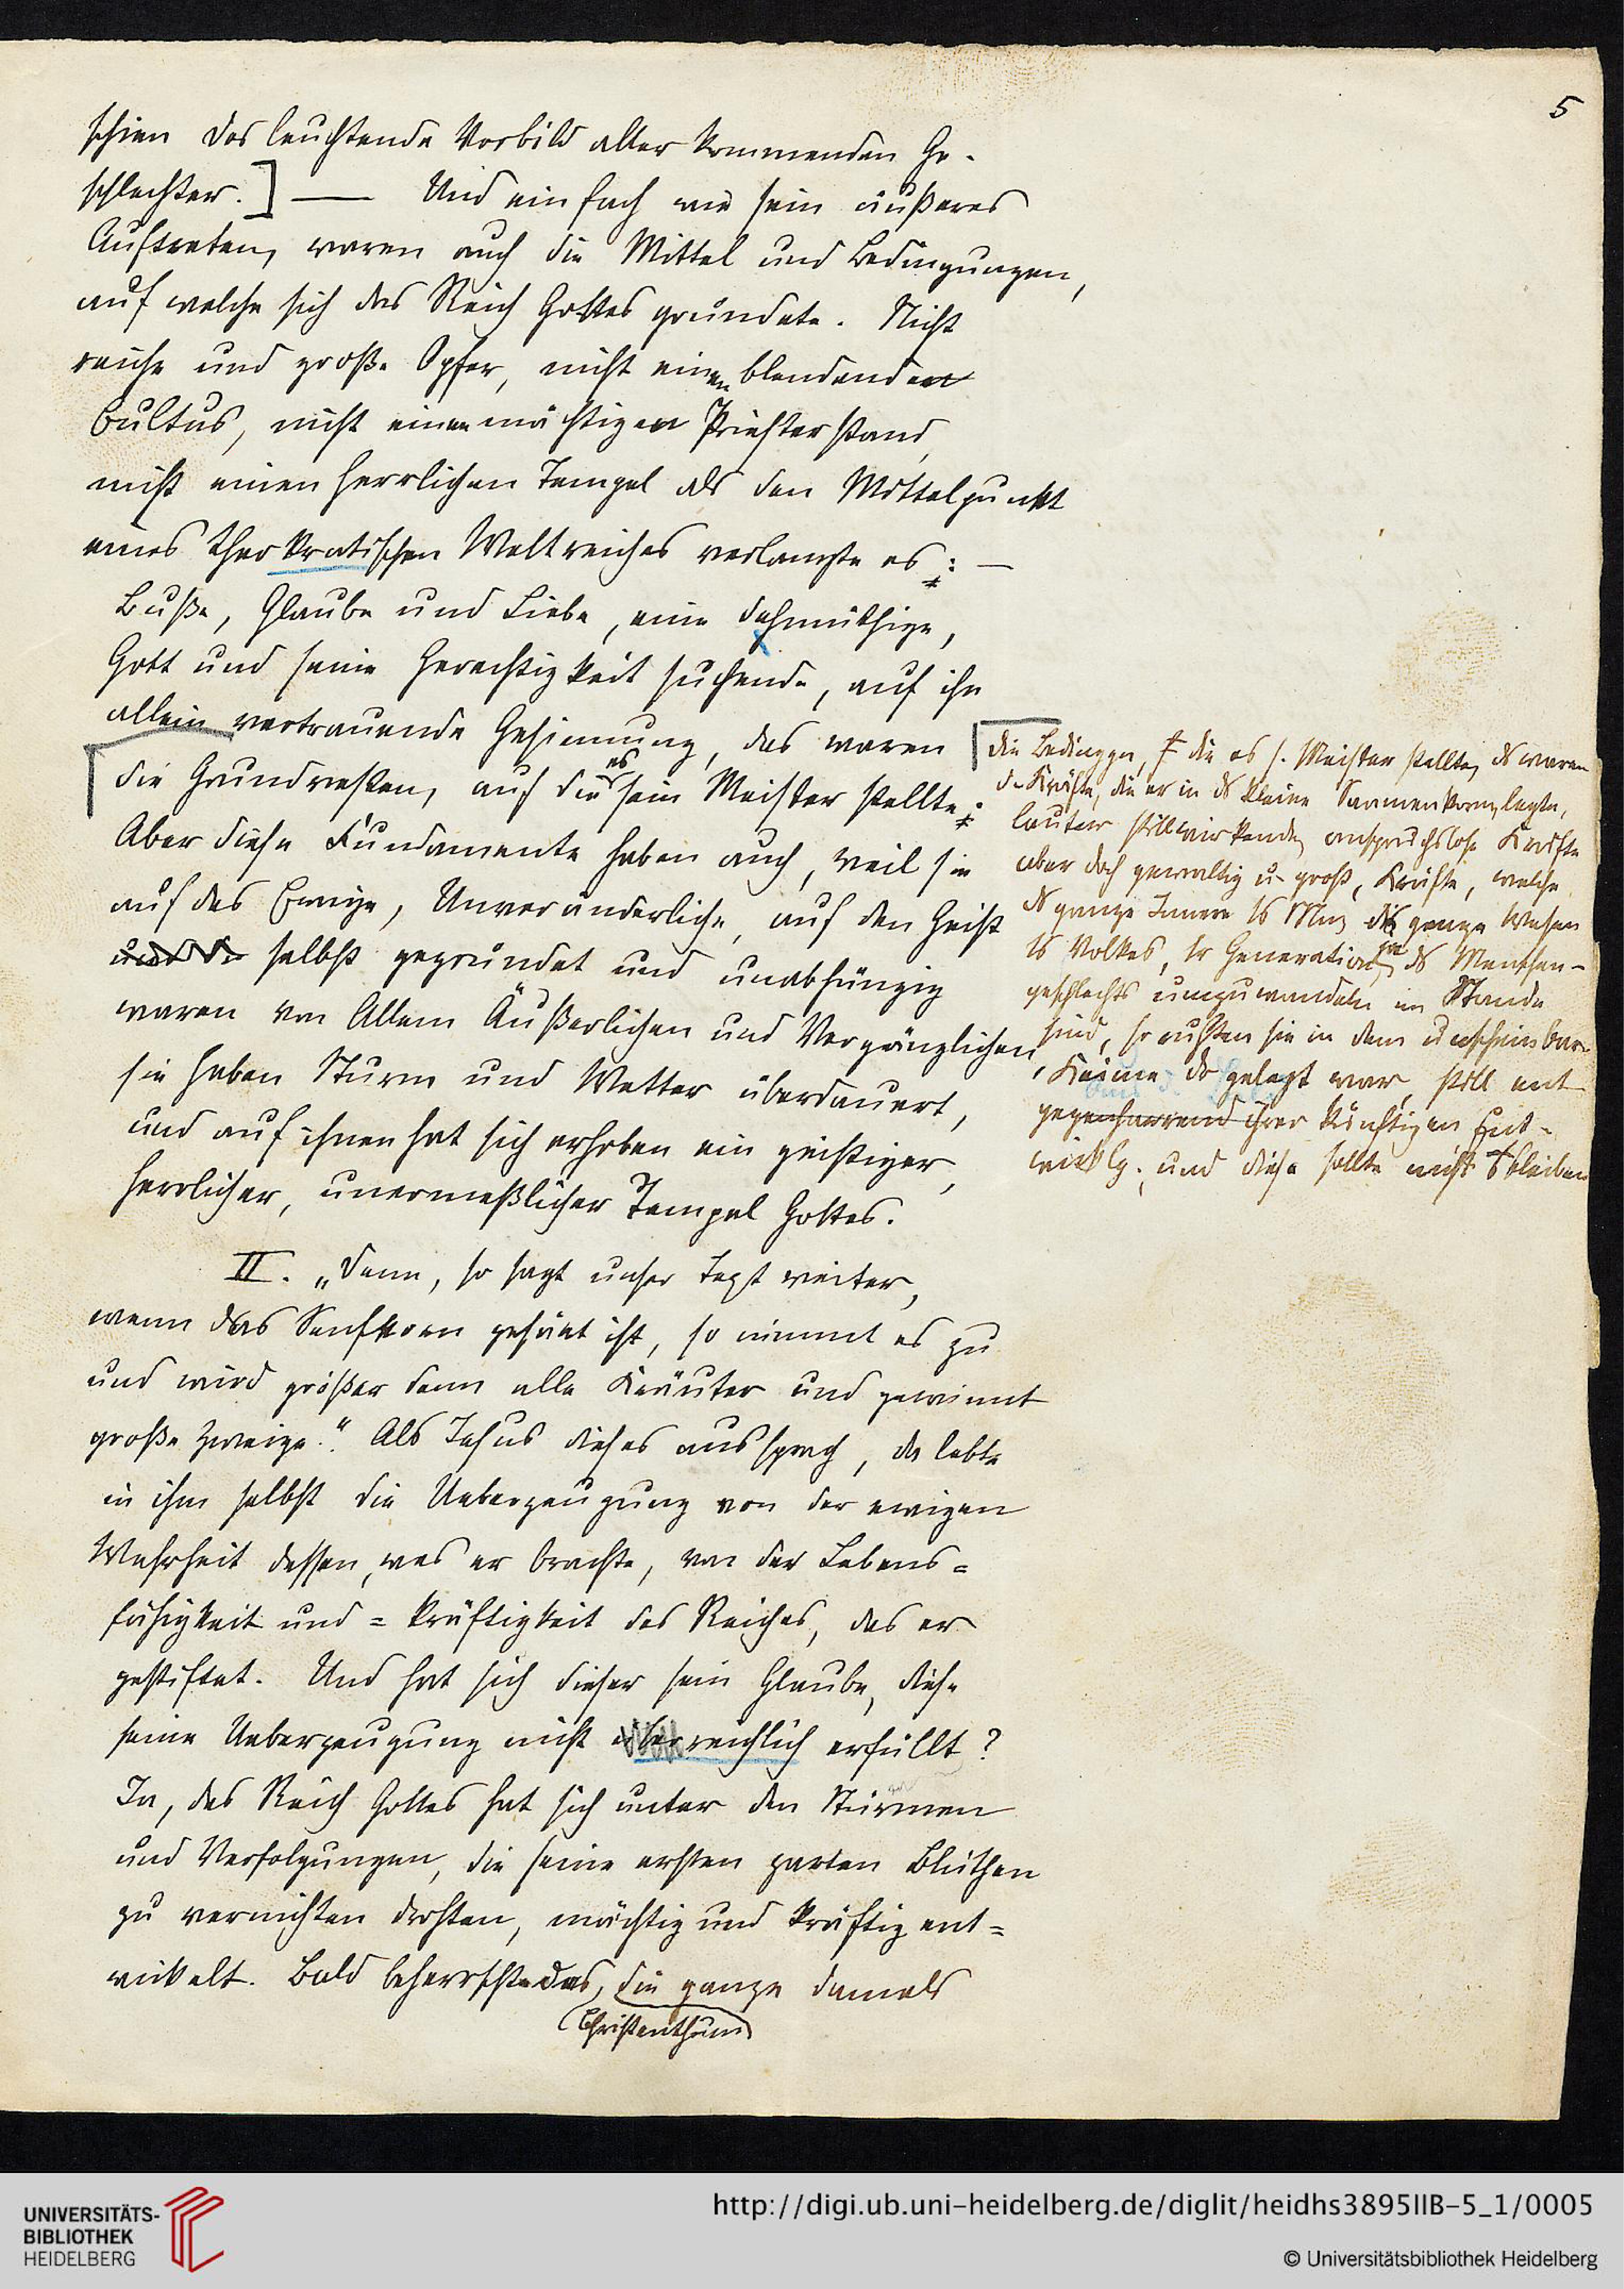schien das leuchtende Vorlbild aller kommenden Ge¬
schlechter. ] _ Und einfach wie sein äußeres
Aufreten waren auch die Mittel und Bedingungen,
auf welche sich das Reich Rottes gründete. Nicht
reiche und große Opfer, nicht einen blendenden
Cultus, nicht einen mächtigen Priesterstand,
nicht einen herrlichen Tempel als den Mittelpunkt
eines theokratischen Weltreiches verlangte es:
Buße, Glaube und Liebe, einen dehmüthigen,
Gott und seine Gerechtigkeit suchende, auf ihn
allein vertrauende Gesinnung, das waren
es
die Grundvesten, auf die sein Meister stellte
,
Aber diese Fundamente haben auch, weil sie
auf der Ewigen, Unveränderliche, auf den Geist
und da selbst gegründet und unabhängig
waren von Allem Äußerlichen und Vergänglichen
sie haben Sturm und Wetter überdauert
und auf ihnen hat sich erhoben ein geistiger
herrlicher, unermeßlicher Tempel Gottes.
II. "Denn, so sagt unser Text weiter,
wenn das Senfkorn gesäet ist, so einmal es zu
uns wird größer denn alle Kräuter und gewinnt
große Zweige." Als Jesus dieses aussprach, da lebte
in ihm selbst die Ueberzeugung von der ewigen
Wahrheit dessen, was er brachte, von der Lebens¬
fähigkeit und -kräftigkeit des Reiches, das er
gestiftet. Und hat sich dieser sein Glaube, diese
seine Ueberzeugung nicht überreichlich erfüllt?
Ja, das Reich Gottes hat sich unter den Stürmen
und Verfolgungen, die seine ersten zarten Blüthen
zu vernichten drohten, mächtig und kräftig ent¬
wickelt. Bald beherrschte das die ganze damals
Christenthum
die Bedinggn, f die es s. Meister stellte. ds waren
die Kräfte, die er in ds kleine Samenkorn, legte,
lauter stillwirkend, anspruchslose Kräfte
aber doch gewaltig u. groß, Kräfte, welche
ds ganze Innere 1s Mns ds ganze Wesen
1s Volkes, 1r Generation, ja ds Menschen¬
geschlechts umzuwandeln im Stande
sind, so ruften sie in dem unscheinbar.
Keime der gelegt war, still ent¬
gegenharrend ihrer kräftigen Ent¬
wicklg. und diese sollte nicht sbleiben.